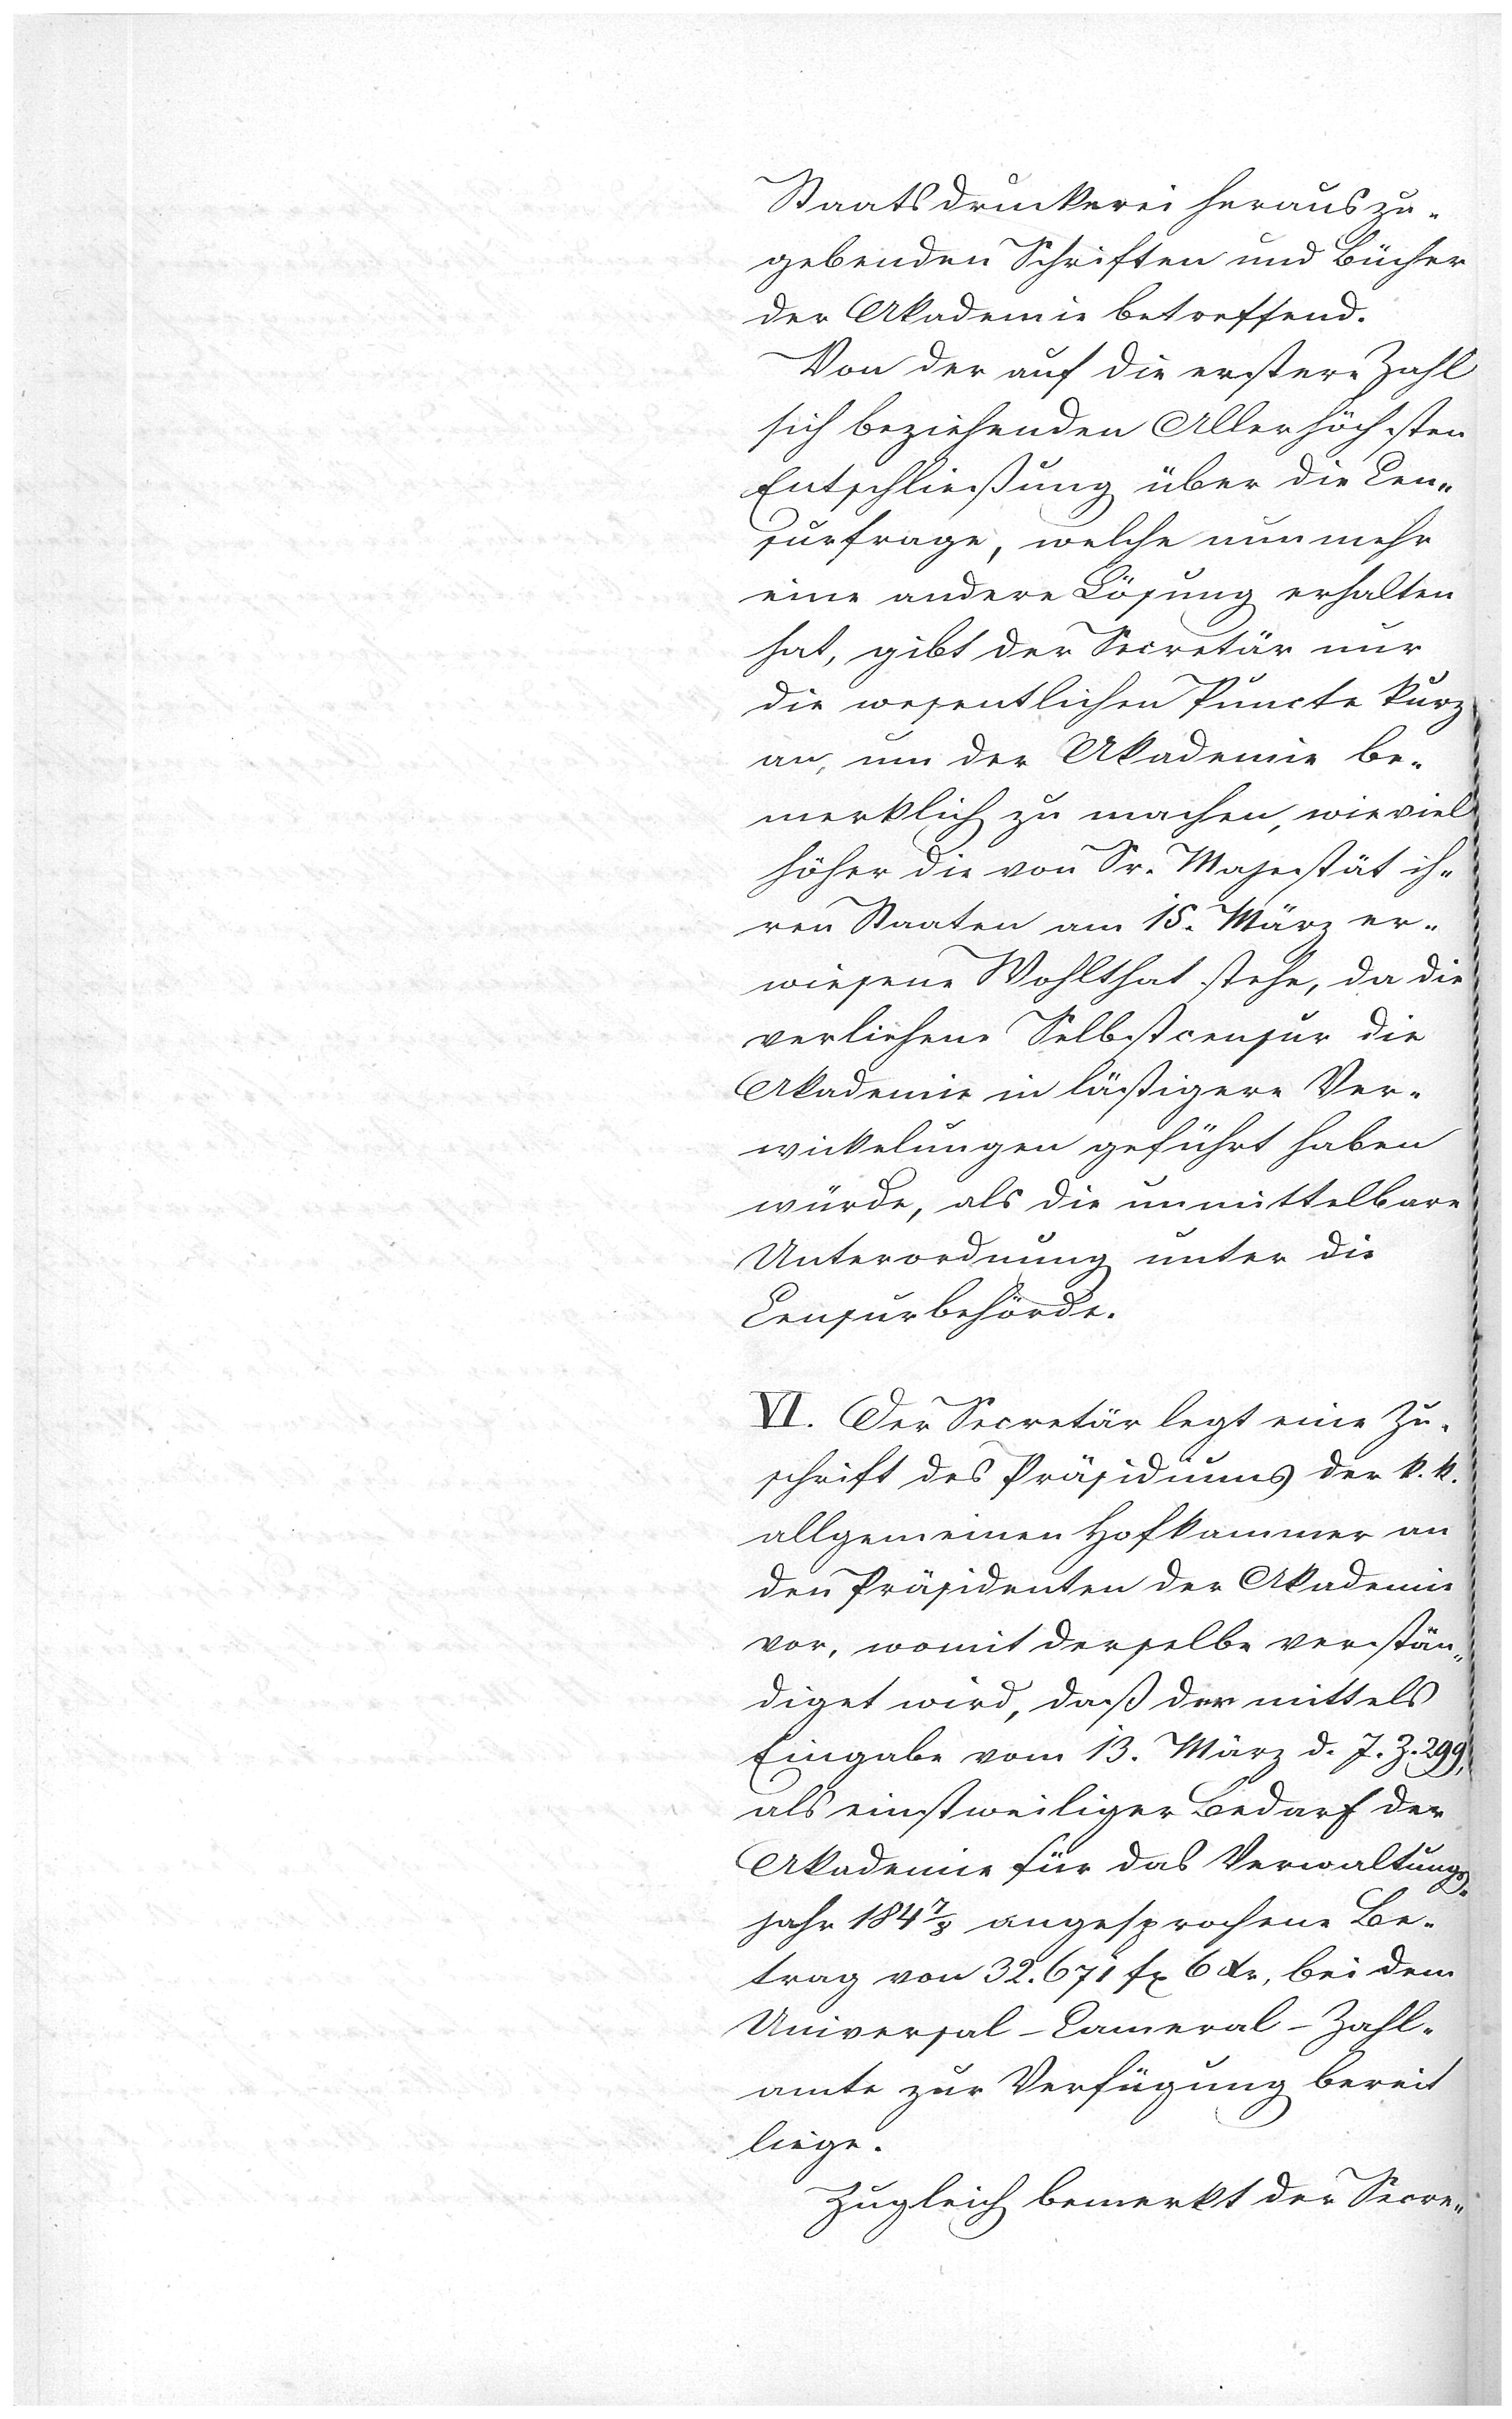Staatsdruckerei herauszu-
gebenden Schriften und Bücher
der Akademie betreffend.
Von der auf die erstere Zahl
sich beziehenden Allerhöchsten
Entschließung über die Cen-
surfrage, welche nun mehr
eine andere Lösung erhalten
hat, gibt der Secretär nur
die wesentlichen Puncte kurz
an, um der Akademie be-
merklich zu machen, wieviel
höher die von Sr. Majestät ih-
ren Staaten am 15. März er-
wiesene Wohlthat stehe, da die
verliehene Selbstcensur die
Akademie in lästigere Ver-
wickelungen geführt haben
würde, als die unmittelbare
Unterordnung unter die
Censurbehörde.
VI. Der Sercetär legt eine Zu-
schrift des Präsidiums der k.k.
allgemeinen Hofkammer an
den Präsidenten der Akademie
vor, womit derselbe verstän-
digt wird, daß der mittels
Eingabe vom 13. März d. J. Z. 299,
als einstweiliger Bedarf der
Akademie für das Verwaltungs
jahr 1847/8 angesprochene Be-
trag von 32.671 fl 6 kr, bei dem
Universal-Cameral-Zahl-
amte zur Verfügung bereit
liege
Zugleich bemerkt der Secre-